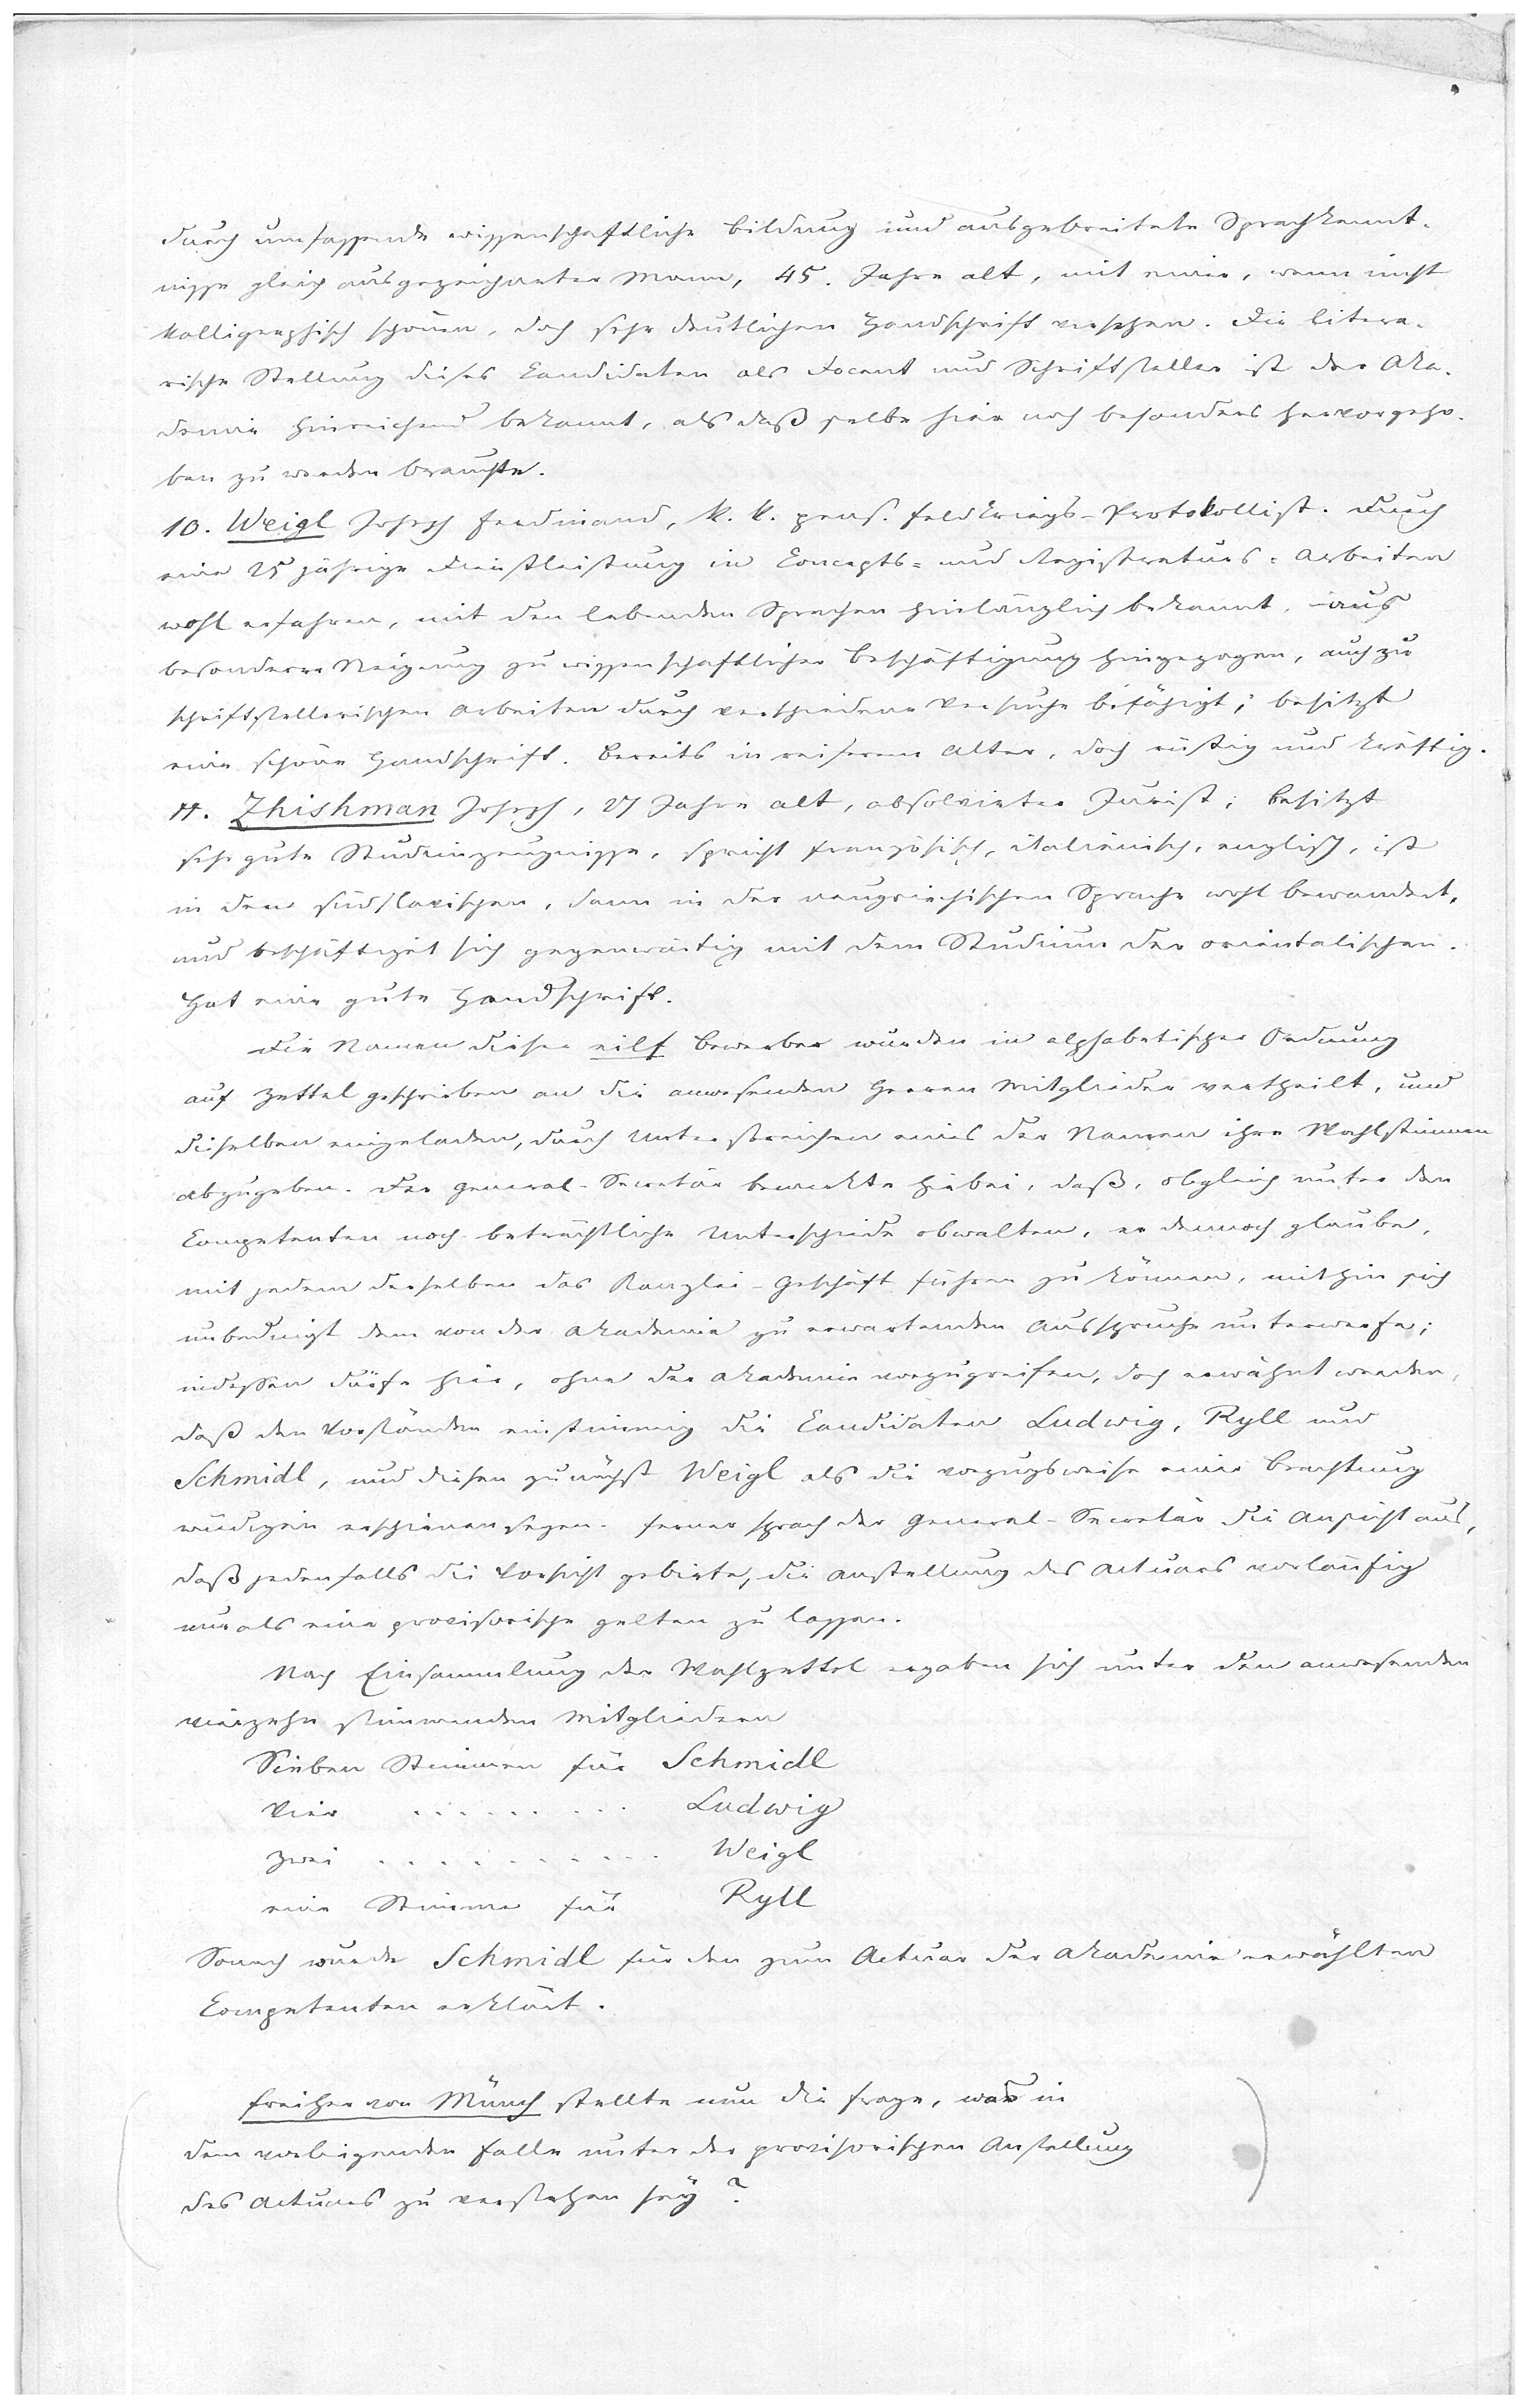durch umfassende wissenschaftliche Bildung und ausgearbeitete Sprachkennt-
nisse gleich ausgezeichneter Mann, 45. Jahre alt, mit einer, wenn nicht
kalligraphisch schönen, doch sehr deutlichen Handschrift versehen. Die litera-
rische Stellung dieses Candidaten als Docent und Schriftsteller ist der Aka-
demie hinreichend bekannt, als daß selbe hier noch besonders hervorgeho
ben werden brauchte.
10. Weigl Joseph Ferdinand, k.k. pens. Feldkriegs-Protokollist. Durch
eine 25jährige Dienstleistung in Concecpts- und Registraturs-Arbeiten
wohl erfahren, mit den lebenden Sprachen hinlänglich bekannt. Aus
besonderer Neidung zu wissenschaftlicher Beschäftigung hingezogen, auch zu
schriftstellerischen Arbeiten durch verschiedene Versuche befähigt, besitzt
eine schöne Handschrift. Bereits in reiferem Alter, doch rüstig und kräftig.
11. Zhishman Joseph, 27 Jahre alt, absolvirter Jurist, besitzt
sehr gute Studienzeugnisse, spricht französisch, italienisch, englisch, ist
in den südslawischen, sowie in der neugriechischen Sprache wohl bewandert,
und beschäftiget sich gegenwärtig mit dem Studium der orientalischen.
Hat eine gute Handschrift.
Die Namen dieser eilf Bewerber wurden in alphabetischer Ordnung
auf Zettel geschrieben an die anwesenden Herren Mitglieder vertheilt, und
dieselben eingeladen, durch Unterstreichen eines der Namen ihre Wahlstimmen
abzugeben. Der General-Secretär bemerkte hiebei, daß, obgleich unter den
Competenten noch beträchtliche Unterschiede obwalten, er dennoch glaube,
mit jedem derselben das Kanzlei-Geschäft führen zu können, mithin sich
unbedingt, dem von der Akademie zu erwartenden Anspruche unterwerfe;
indessen dürfe hier, ohne der Akademie vozugreifen, soch erwähnt werden,
daß die Vorstände einstimmig die Candidaten Ludwig, Ryll und
Schmidl, und diesen zunächst Weigl dals die vorzugsweise eine Beachtung
würdigen erschienen seyen. Ferner sprach der General-Secretär die Ansicht aus,
daß jedenfalls die Vorsicht gebiete, die Anstellung des Actuars vorlufig
nur also eine provisorische gelten zu lassen.
Nach Einsammlung der Wahlzettel ergaben sich unter den anwesenden
vierzehn stimmenden Mitgliedern
Sieben Stimmen für Schmidl
vier . . . . . . . . . Ludwig
zwei . . . . . . . . . Weigl
eine Stimme für Ryll
Sonach wurde Schmidl für den zum Actuar der Akademie erwählten
Competenten erklärt.
Freiherr von Münch stellte nun die Frage, was in
dem vorligenden Falle unter der provisorischen Anstellung
des Actuars zu verstehen sey?